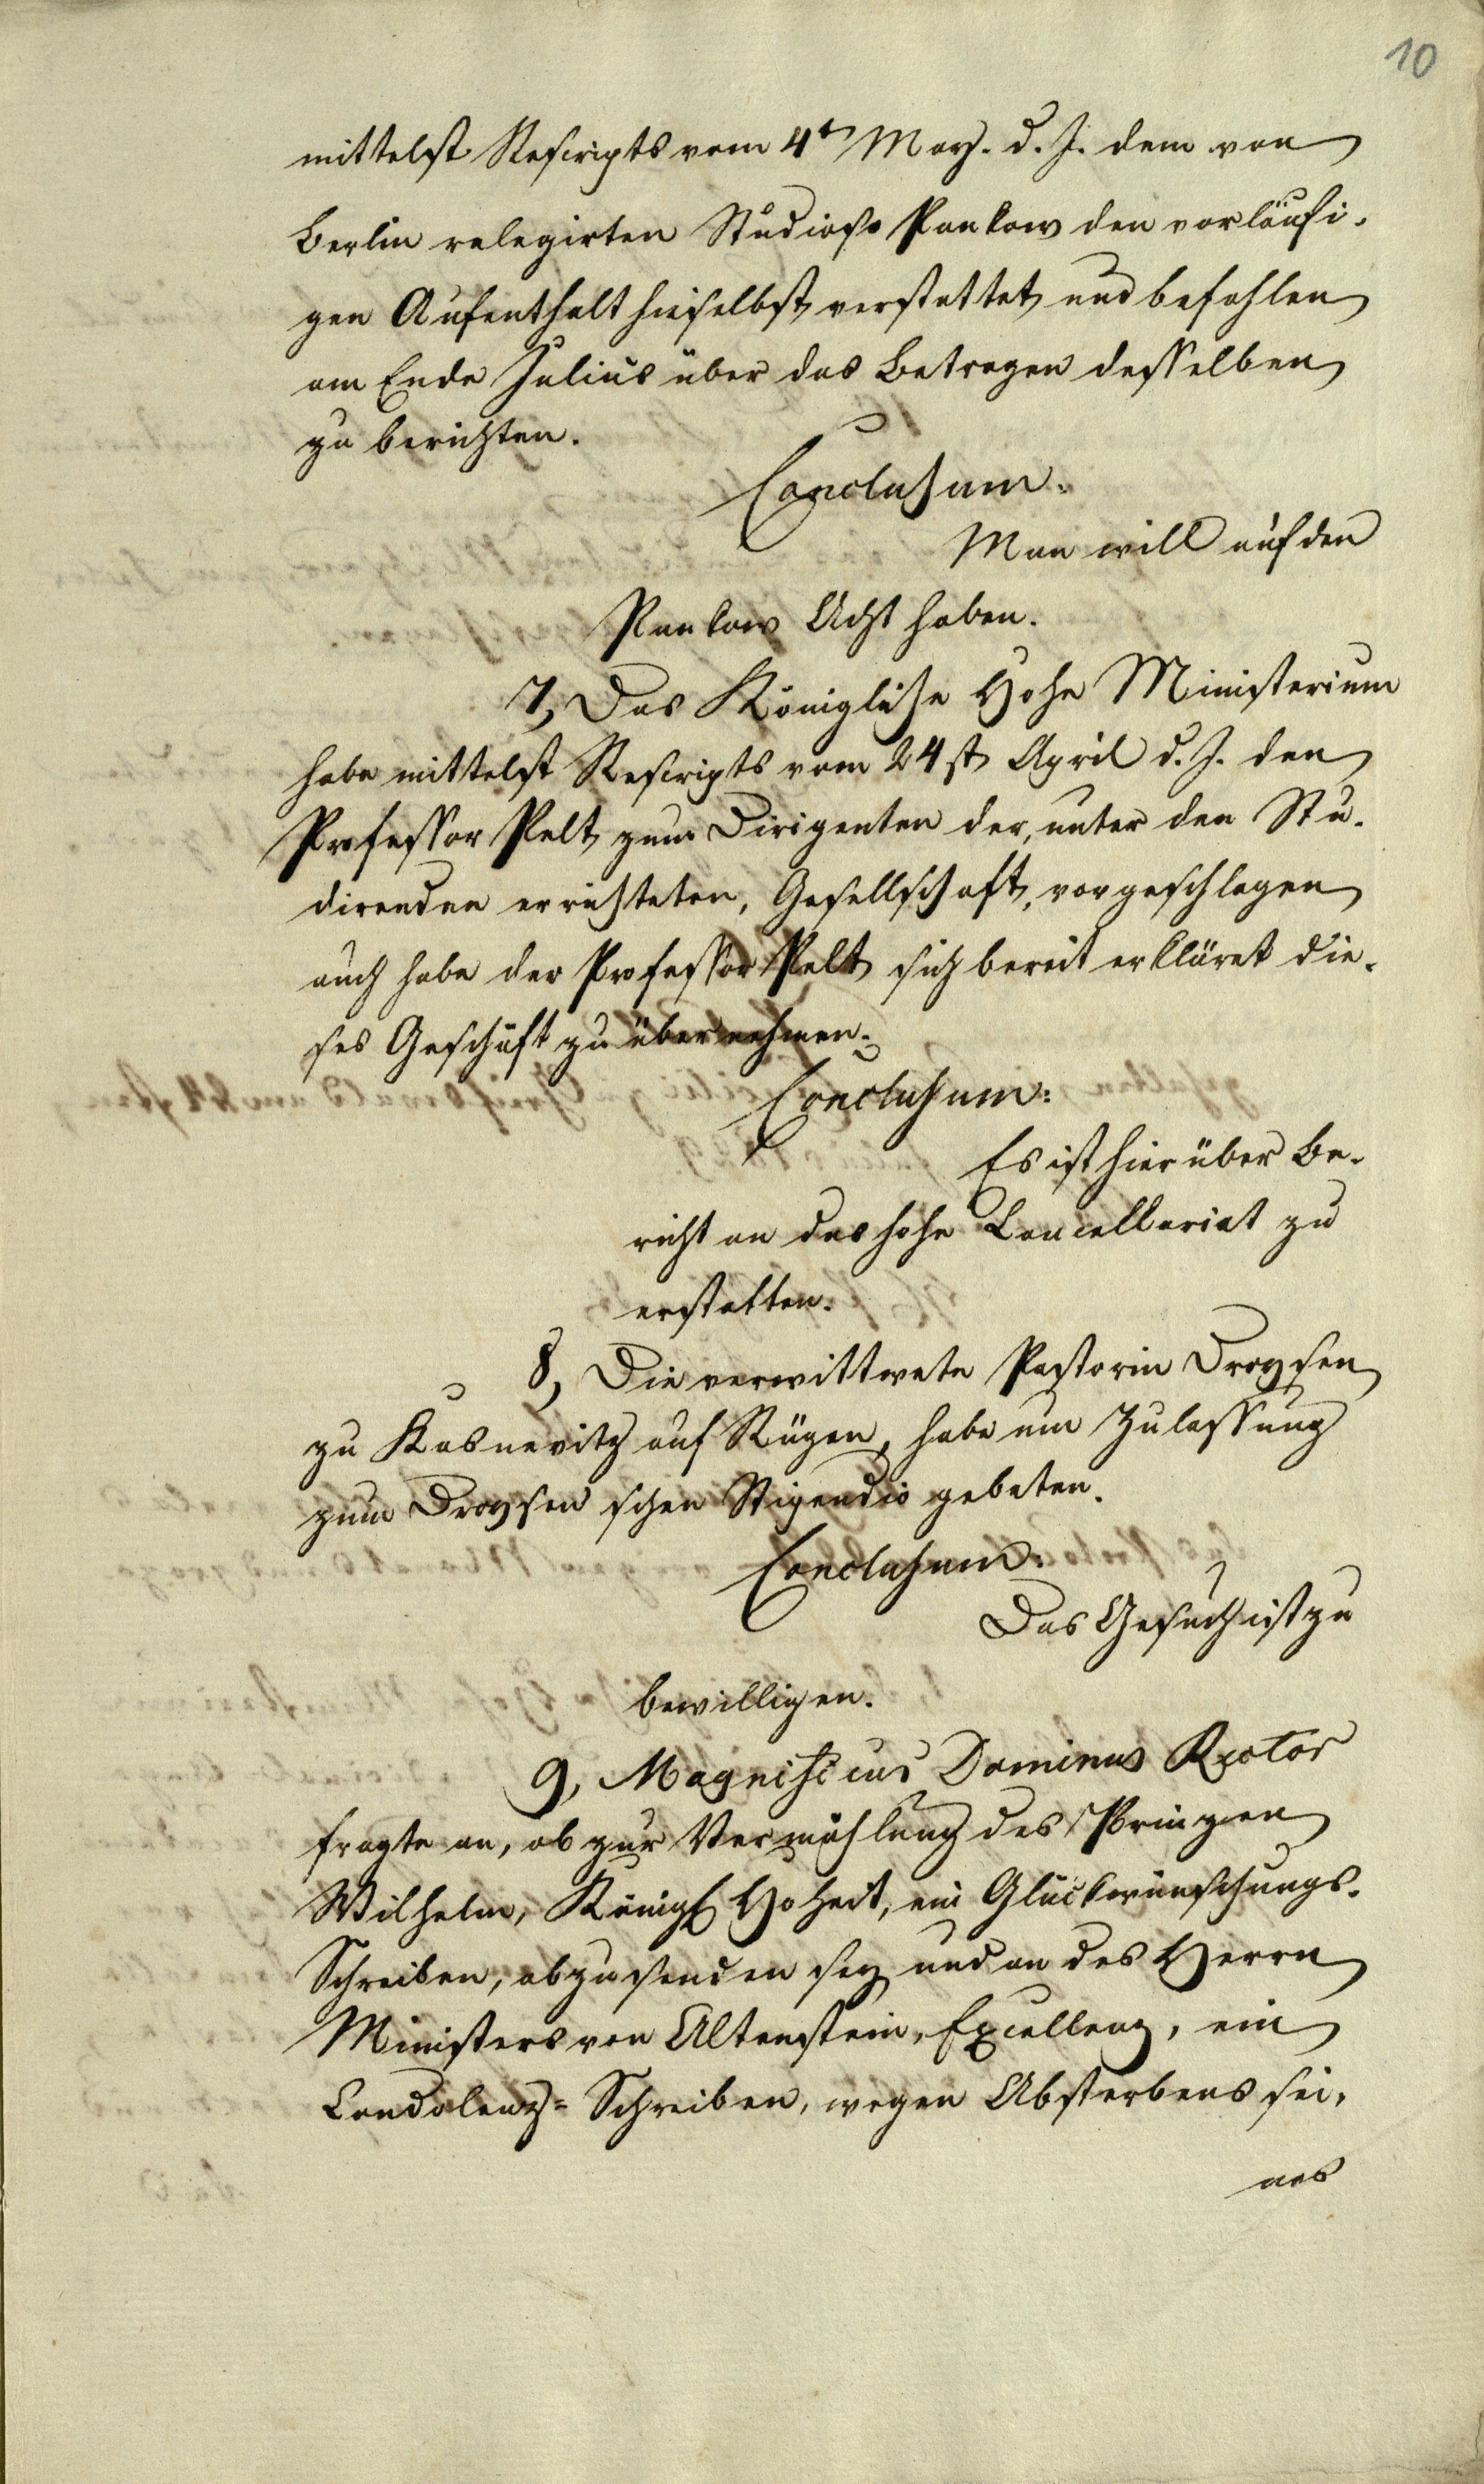mittlest Rescripts vom 4ten May. d. J. dem von
Berlin relegirten Studioso Pankow den vorläufi¬
gen Aufenthalt hieselbst verstattet und befohlen
am Ende Julius über das Betragen desselben
zu berichten.
Conclusum:
Man will auf den
Pankow Acht haben.
7, Das Königliche Hohe Ministerium
habe mittelst Rescripts vom 24 sten April d. J. den
Professor Pelt zum Dirigenten der, unter den Stu¬
direnden errichteten, Gesellschaft, vorgeschlagen
auch habe der Professor Pelt sich bereit erkläret die¬
ses Geschäft zu übernehmen.
Conclusum:
Es ist hierüber Be¬
richt an das hohe Cancellariat zu
erstatten.
8, Die verwittwete Pastorin Droysen
zu Kasnevitz auf Rügen, habe um Zulassung
zum Droysen'schen Stipendio gebeten.
Conclusum:
Das Gesuch ist zu
bewilligen.
9, Magnificus Dominus Rector
fragte an, ob zur Vermählung des Prinzen
Wilhelm, Königl Hoheit, ein Glückwünschungs¬
Schreiben, abzusenden sey und an des Herrn
Ministers von Altenstein Excellenz, ein
Condolenz-Schreiben, wegen Absterbens sei¬
nes